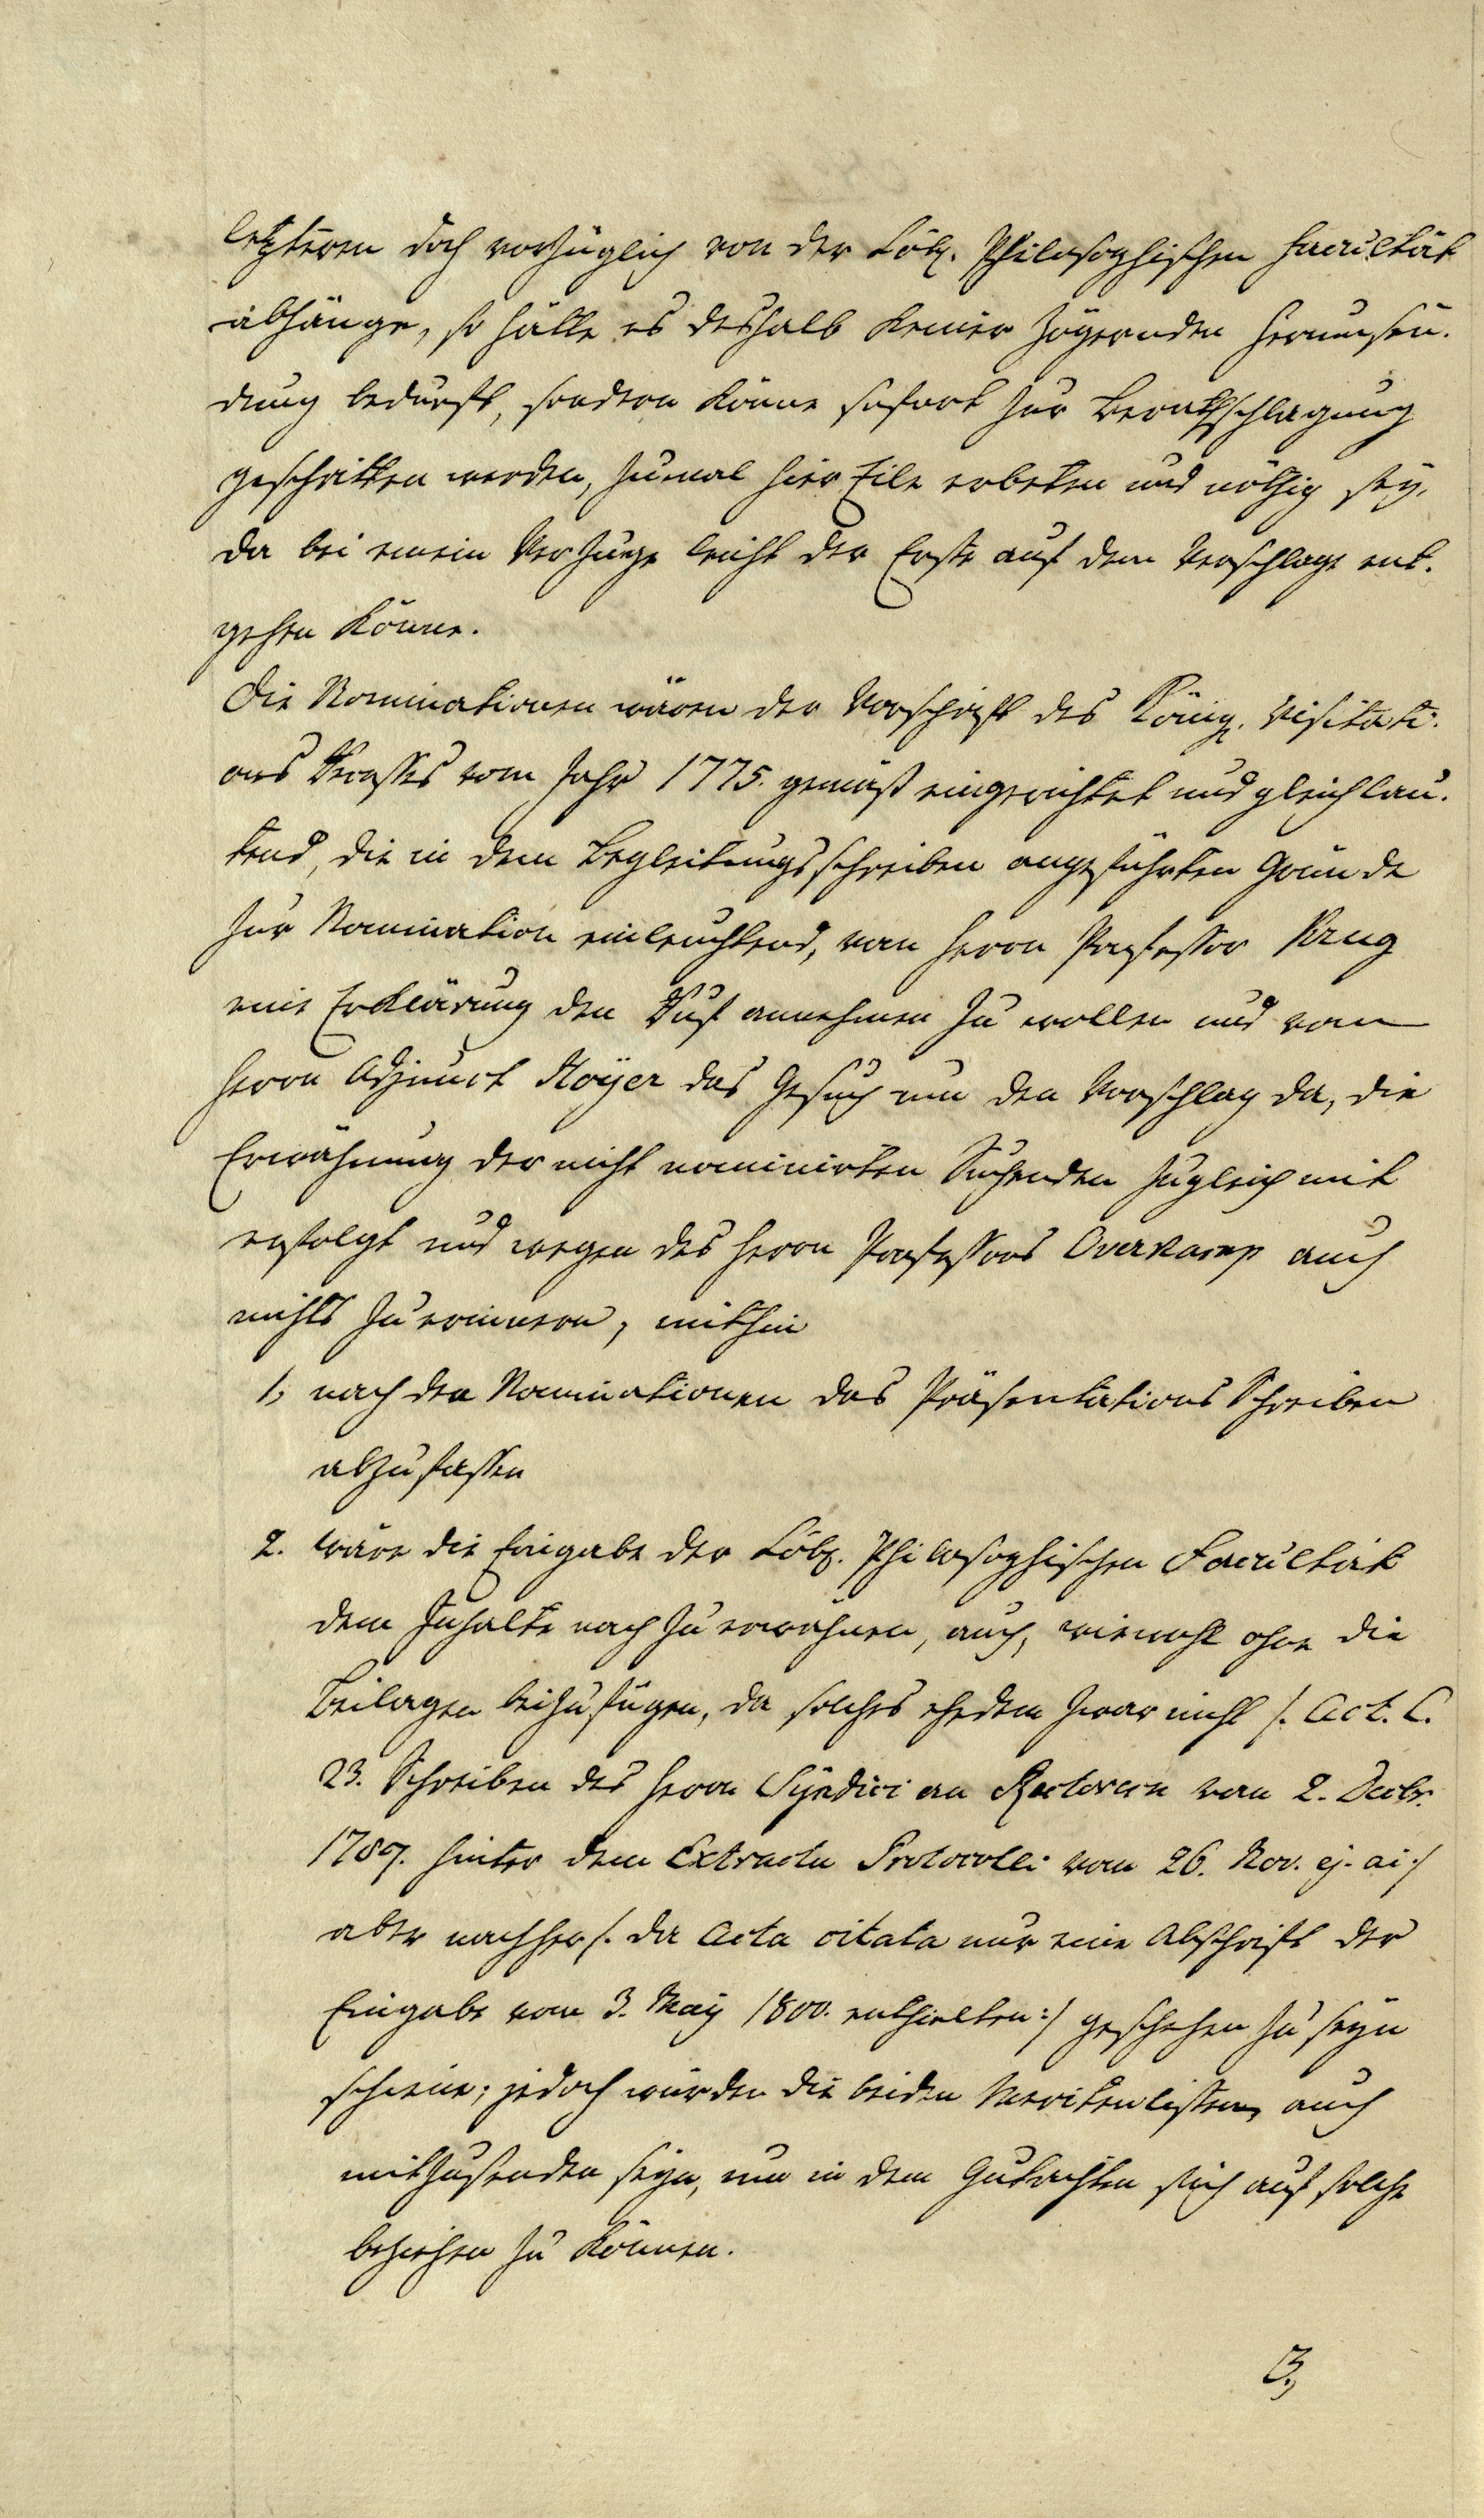letzteren doch vorzüglich von der Löbl. Philosophischen Facultät
abhänge, so hätte es deshalb keiner zögernden Herumsen¬
dung bedurft, sondern könne sofort zur Berathschlagung
geschritten werden, zumal hier Eile erbeten und nöthig seÿ,
da bei einem Verzuge leicht der Erste auf dem Verschlage ent¬
gehen könne.
Die Nominationen wären der Vorschrift des König. Visitati¬
ons Recesses vom Jahr 1775 gemäß eingerichtet und gleichlau¬
tend, die in dem Begleitungsschreiben angeführten Gründe
zur Nomination einleuchtend, vom Herrn Professor Krug
eine Erklärung den Ruf annehmen zu wollen und vom
Herrn Adjunct Hoÿer das Gesuch um den Vorschlag da, die
Erwähnung der nicht nominirten Suchenden zugleich mit
erfolgt und wegen des Herrn Professors Overkamp auch
nichts zu erinnern, mithin
1. nach den Nominationen das Präsentations Schreiben
abzufassen
2. wäre die Eingabe der Löbl. Philosophischen Facultät
dem Inhalte nach zu erwähnen, auch, wiewohl ohne die
Beilagen beizufügen, da solches ehedem zwar nicht /. Act. L.
23. Schreiben des Herrn Sÿndici an Rectorem vom 2. Decbr.
1787. hinter dem Extractu Protocolli vom 26. Nov. ej. ai./
aber nachher /. da Acta citata nur eine Abschrift der
Eingabe vom 3. Maÿ 1800. enthielten :/ geschehen zu seÿn
scheine, jedoch würden die beiden Meritenlisten, auch
mitzusenden seÿn, um in dem Gutachten sich auf solche
beziehen zu können.
3.